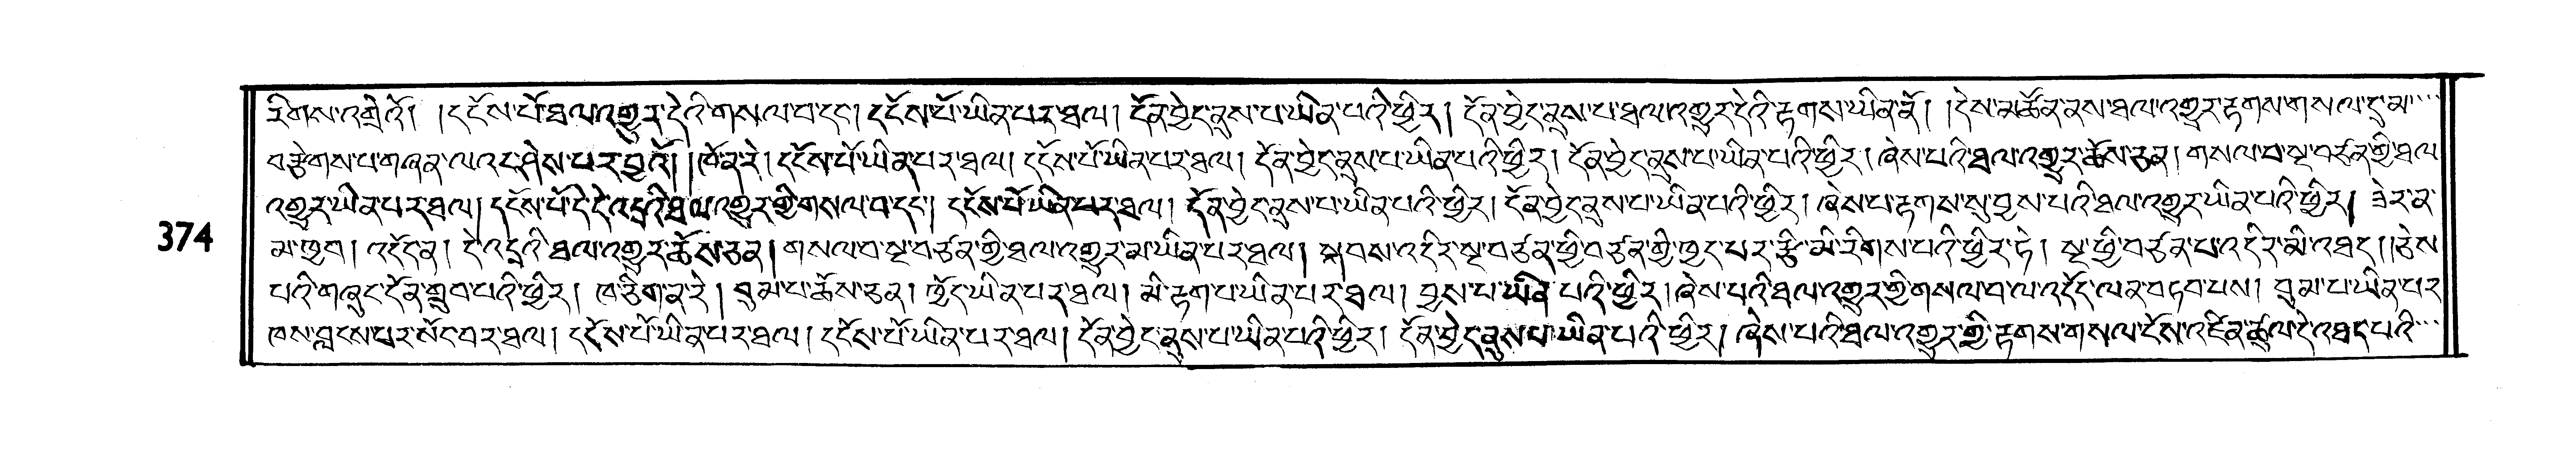རིགས་འགྲེའོ། །དངོས་པོ་ཐལ་འགྱུར་དེའི་གསལ་བ་དང་། དངོས་པོ་ཡིན་པར་ཐལ། དོན་བྱེད་ནུས་པ་ཡིན་པའི་ཕྱིར། དོན་བྱེད་ནུས་པ་ཐལ་འགྱུར་དེའི་རྟགས་ཡིན་ནོ། །དེས་མཚོན་ནས་ཐལ་འགྱུར་རྟགས་གསལ་དུ་མ་
བརྩེགས་པ་གཞན་ལའང་ཤེས་པར་བྱའོ། །ཁོ་ན་རེ། དངོས་པོ་ཡིན་པར་ཐལ། དངོས་པོ་ཡིན་པར་ཐལ། དོན་བྱེད་ནུས་པ་ཡིན་པའི་ཕྱིར། དོན་བྱེད་ནུས་པ་ཡིན་པའི་ཕྱིར། ཞེས་པའི་ཐལ་འགྱུར་ཆོས་ཅན། གསལ་བ་སྔ་བཙན་གྱི་ཐལ་
འགྱུར་ཡིན་པར་ཐལ། དངོས་པོ་དེ་དེ་འདྲའི་ཐལ་འགྱུར་གྱི་གསལ་བ་དང་། དངོས་པོ་ཡིན་པར་ཐལ། དོན་བྱེད་ནུས་པ་ཡིན་པའི་ཕྱིར། དོན་བྱེད་ནུས་པ་ཡིན་པའི་ཕྱིར། ཞེས་པ་རྟགས་སུ་བྱས་པའི་ཐལ་འགྱུར་ཡིན་པའི་ཕྱིར། ཟེར་ན་
མ་ཁྱབ། འདོད་ན། དེ་འདྲའི་ཐལ་འགྱུར་ཆོས་ཅན། གསལ་བ་སྔ་བཙན་གྱི་ཐལ་འགྱུར་མ་ཡིན་པར་ཐལ། སྐབས་འདིར་སྔ་བཙན་ཕྱི་བཙན་གྱི་ཁྱད་པར་རྩི་མི་རིགས་པའི་ཕྱིར་ཏེ། སྔ་ཕྱི་བཙན་པ་འདིར་མི་འཐད། །ཅེས་
པའི་གཞུང་དོན་གྲུབ་པའི་ཕྱིར། ཁ་ཅིག་ན་རེ། བུམ་པ་ཆོས་ཅན། ཁྱོད་ཡིན་པར་ཐལ། མི་རྟག་པ་ཡིན་པར་ཐལ། བྱས་པ་ཡིན་པའི་ཕྱིར་།ཞེས་པའི་ཐལ་འགྱུར་གྱི་གསལ་བ་ལ་འདོད་ལན་བཏབ་པས། བུམ་པ་ཡིན་པར་
ཁས་བླངས་པར་སོང་བར་ཐལ། དངོས་པོ་ཡིན་པར་ཐལ། དངོས་པོ་ཡིན་པར་ཐལ། དོན་བྱེད་ནུས་པ་ཡིན་པའི་ཕྱིར། དོན་བྱེད་ནུས་པ་ཡིན་པའི་ཕྱིར། ཞེས་པའི་ཐལ་འགྱུར་གྱི་རྟགས་གསལ་ངོས་འཛིན་ཚུལ་དེ་འཐང་པའི་